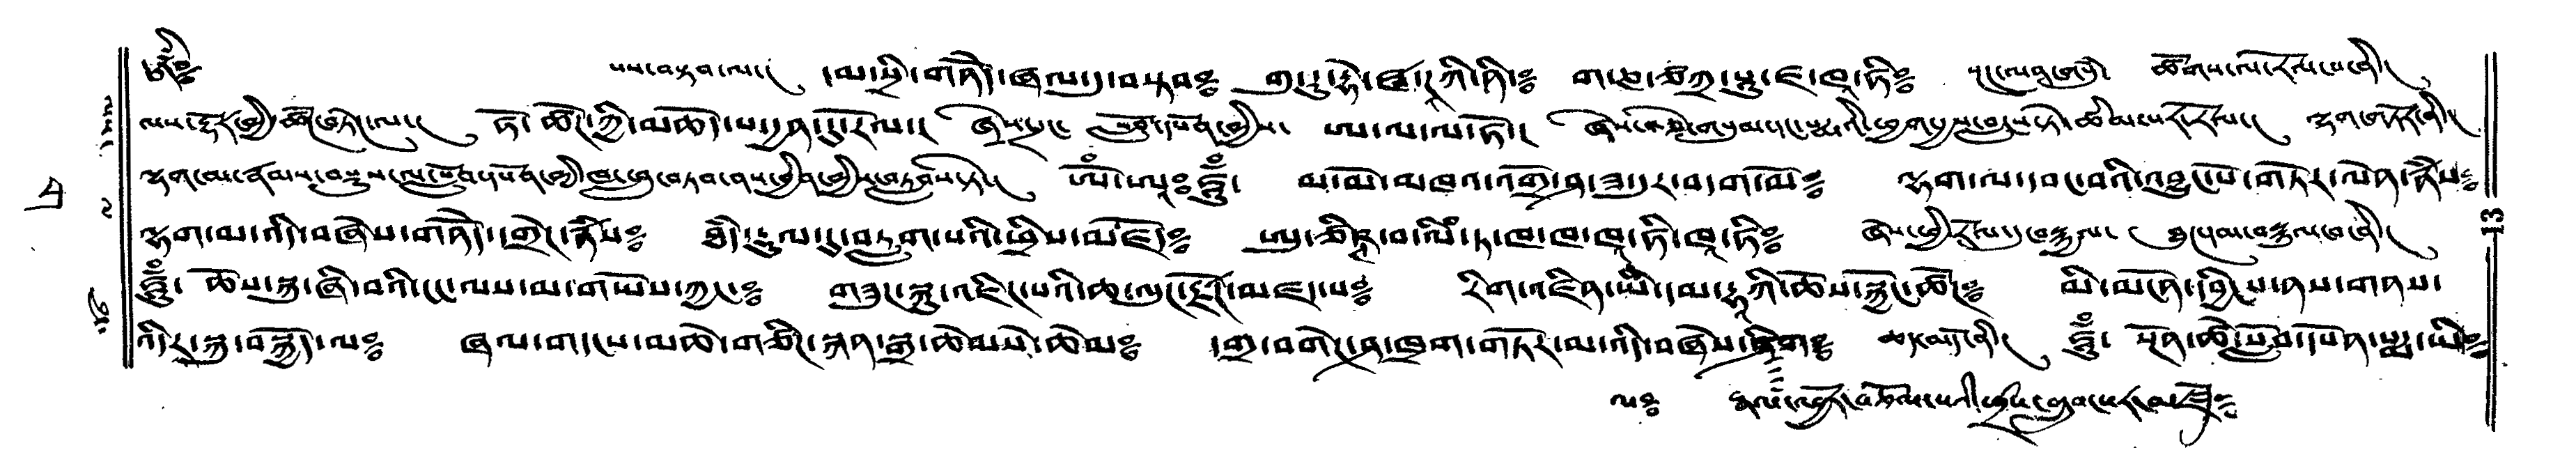པས་བསྟབ་ལ། དམ་སྲི་གནོད་བྱེད་ཞལ་དུ་བསྟབ༔ གུ་རུ་དྷེ་ཝ་ཌཱ་ཀི་ནི༔ ག་ཎ་ཙཀྲ་པཱུ་ཛ་ཁཱ་ཧི༔ སྔགས་ལན་གསུམ། ཚོགས་ལ་རོལ་པ་ནི། 
ལས་རྡོར་གྱི་ཚོགས་བཏེགས་ལ། ཧོ། ཚོགས་ཀྱི་མཆོད་པ་རྒྱུན་དུ་རོལ། ཞེས་དྲང་། སློབ་དཔོན་གྱིས། ཨ་ལ་ལ་ཧོ། ཞེས་རྩེ་གསུམ་དང་པདྨའི་ཕྱག་རྒྱས་བླངས་ཏེ་ཚིམ་པར་རོལ། ལྷག་གཏོར་ནི། 
ལྷག་མ་རྣམས་བསྡུས་ལ་སློབ་དཔོན་གྱི་ཁ་ཕྲུ་བཏབ་ནས་བྱིན་གྱིས་བརླབས་ཏེ། ཨོཾ་ཨཱཿཧཱུྃ༔ མ་མོ་མཁའ་འགྲོ་ཤ་ཟ་དུར་བདག་མོ༔ ལྷག་ལ་དབང་བའི་འབྱུང་པོ་གཏོར་ལེན་རྣམས༔ 
ལྷག་མ་འདི་བཞེས་གནོད་བྱེད་དགྲ་བགེགས་རྣམས༔ ཐམས་ཅད་རྡུལ་དུ་བརླག་པའི་ཕྲིན་ལས་མཛོད༔ ཨུ་ཙིཥྚ་བ་ལིཾ་ཏ་ཁ་ཁ་ཁཱ་ཧི་ཁཱ་ཧི༔ ཞེས་ཕྱི་རོལ་དུ་བསྐྱལ། ཐུགས་དམ་བསྐུལ་བ་ནི། 
ཧཱུྃ༔ ཆོས་སྐུ་ཞི་བའི་ངང་ལས་མ་གཡོས་ཀྱང༔ གཟུགས་སྐུ་འཇིགས་པའི་ཆ་ལུགས་རྫོགས་མཛད་པ༔ རིག་འཛིན་ཡི་དམ་ཌཱཀའི་ཆོས་སྐྱོང་ཚོགས༔ མི་མངོན་དབྱིངས་ནས་གནས་
འདིར་སྐུ་བསྐྱོད་ལ༔ ཞལ་གདངས་མཆེ་གཅིགས་སྐན་སྒྲ་ཆེམས་སེ་ཆེམ༔ དགྲ་བགེགས་ཤ་ཁྲག་གཏོར་མ་འདི་བཞེས་ལ༔ རྣལ་འབྱོར་བཅོལ་པའི་ཕྲིན་ལས་འགྲུབ་པར་མཛོད༔ ཆད་མདོ་ནི། ཧཱུྃ༔ སྔོན་ཚེ་སློབ་དཔོན་པདྨ་ཡི༔